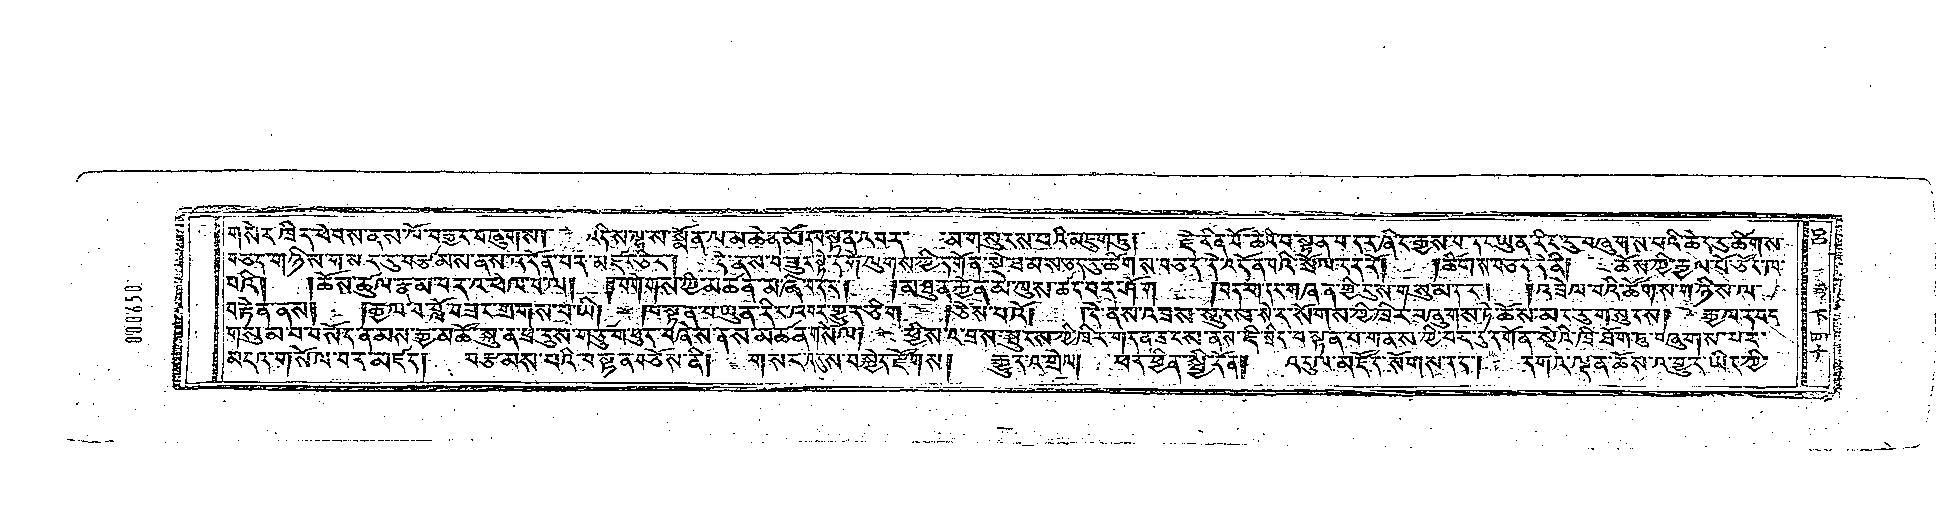གསེར་ཁྲིར་ཕེབས་ནས་ལོ་བརྒྱད་བཞུགས། འདིས་ལྷ་ས་སྨོན་ལམ་ཆེན་མོར་བསྟན་འབར་མ་གསུངས་པའི་མཇུག་ཏུ། རྗེ་རིན་པོ་ཆེའི་བསྟན་པ་དར་ཞིང་རྒྱས་པ་དང་ཡུན་རིང་དུ་བཞུགས་པའི་ཆེད་དུ་ཚིགས་
བཅད་གཉིས་གསར་དུ་བརྩམས་ནས་འདོན་པར་མཛད་ཅིང་། དེ་ནས་བཟུང་སྟེ་དགེ་ལུགས་ཀྱི་དགོན་སྡེ་ཐམས་ཅད་དུ་ཚིགས་བཅད་དེ་འདོན་བའི་སྲོལ་དར་རོ། །ཚིགས་བཅད་དེ་ནི། ཆོས་ཀྱི་རྒྱལ་པོ་ཙོང་ཁ་
པའི། །ཆོས་ཚུལ་རྣམ་པར་འཕེལ་བ་ལ། །བགེགས་ཀྱི་མཚན་མ་ཞི་བ་དང་། །མཐུན་རྐྱེན་མ་ལུས་ཚང་བར་ཤོག །བདག་དང་གཞན་གྱི་དུས་གསུམ་དང་། །འབྲེལ་བའི་ཚོགས་གཉིས་ལ་
བརྟེན་ནས། །རྒྱལ་བ་བློ་བཟང་གྲགས་པ་ཡི། །བསྟན་པ་ཡུན་རིང་འབར་གྱུར་ཅིག །ཅེས་པའོ། །དེ་ནས་འབྲས་སྤུངས་སེ་ར་སོགས་ཀྱི་ཁྲིར་བཞུགས་ཏེ་ཆོས་མང་དུ་གསུངས། རྒྱལ་དབང་
གསུམ་བ་བསོད་ནམས་རྒྱ་མཚོ་སྐུ་ན་ཕྲ་དུས་གཙུག་ཕུད་བཞེས་ནས་མཚན་གསོལ། ཕྱིས་འབྲས་སྤུངས་ཀྱི་ཁྲིར་གདན་དྲངས་ནས་ཇི་སྲིད་བསྟན་པ་གནས་ཀྱི་བར་དུ་དགོན་སྡེའི་ཁྲི་ཐོག་ཏུ་བཞུགས་པར་
མདའ་གསོལ་བར་མཛད། བརྩམས་པའི་བསྟན་བཅོས་ནི། གསང་འདུས་བསྐྱེད་རྫོགས། རྒྱུད་འགྲེལ། ཕར་ཕྱིན་སྤྱི་དོན། འདུལ་མཛོད་སོགས་དང་། དགའ་ལྡན་ཆོས་འབྱུང་ཡིད་ཀྱི་